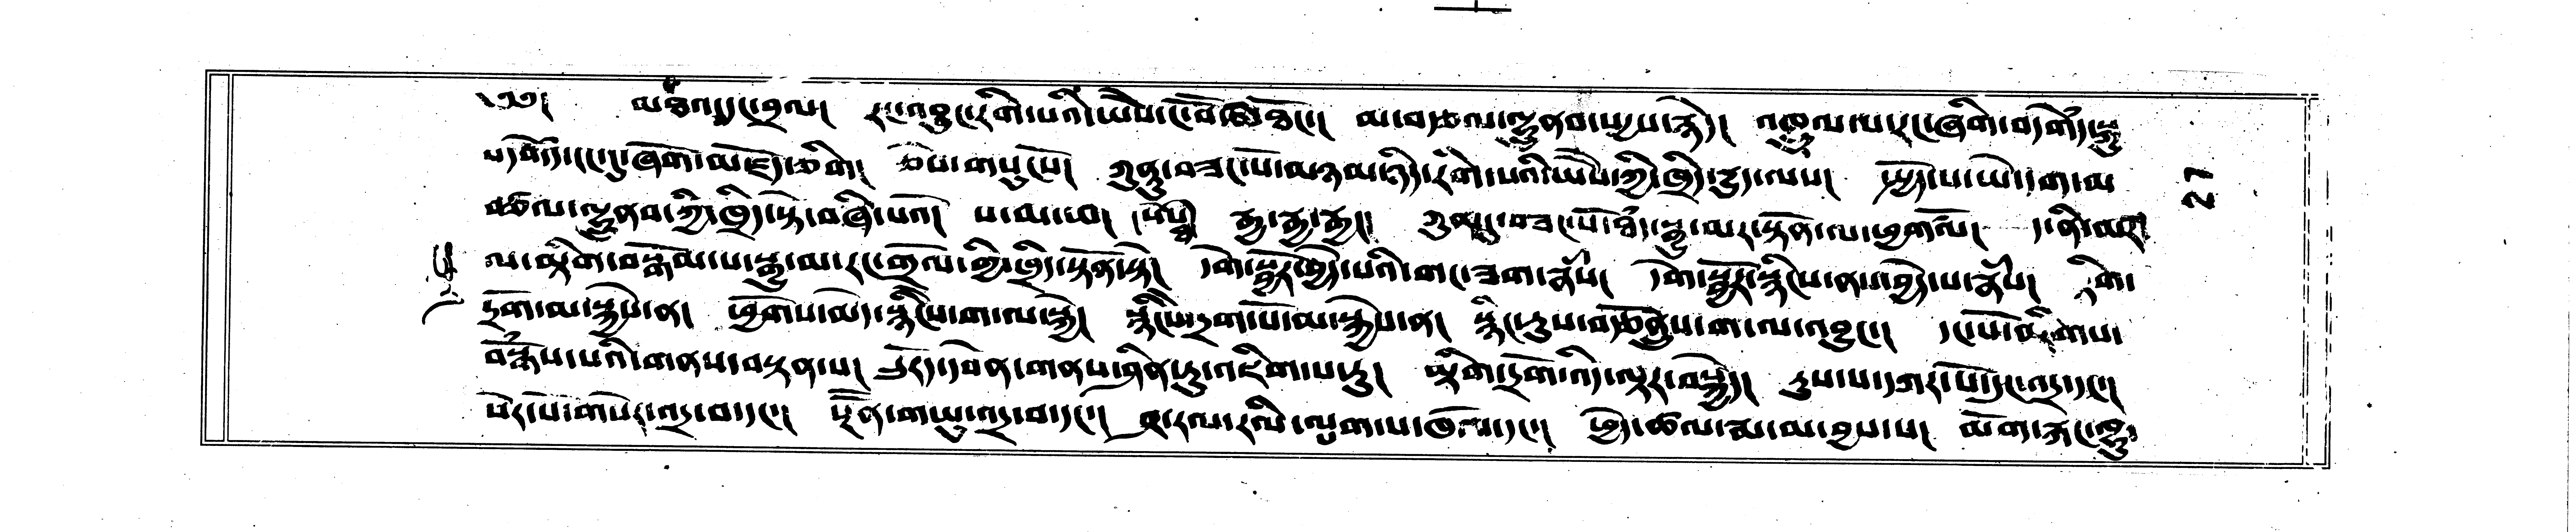མཐའ་དང་བྲལ། རང་བྱུང་རིག་པའི་ཡེ་ཤེས་ངོ་བོ་མཐོང་། མ་བརྩལ་ལྷུན་གྲུབ་སངས་རྒྱས་རྙེད། འཁྲུལ་པ་རང་ཞིག་བདག་མེད་སྐུ། 
བདག་མེད་ངང་དུ་ཞོག་མཛོད་ཅིག ཅེས་གསུངས་སོ། །ཀུན་ཏུ་བཟང་པོ་མཉམ་ཉིད་རིག་པའི་ཡེ་ཤེས་ཀྱི་ཁྲིད་རྒྱུད་ལས། སྤྱོད་པ་ཡེ་དག་མ་
བརྩལ་ལྷུན་གྲུབ་ཀྱི་ཁྲིད་སྟེ་བཞི་པའོ། །ས་མ་ཡ། ༼ཨྠི༽རྒྱ་རྒྱ་རྒྱ། ཀུན་ཏུ་བཟང་པོ་ཐམས་ཅད་སྒྱུ་མར་སྟོན་ལ་ཕྱག་འཚལ་ལོ། །ད་ནི་མར་
ལ་མི་རྟག་བསྒོམ་པ་སྒྱུ་མ་རང་གྲོལ་གྱི་ཁྲིད་སྟོན་ཏེ། དགེ་སྦྱོར་བྱེད་པའི་གང་ཟག་རྣམས། དགེ་སྦྱོར་སྙིང་ནས་འབྱེད་པ་རྣམས། མི་རྟག་
དྲག་པོ་མ་སྐྱེས་ན། ཕྱོགས་མེད་སྙིང་རྗེ་ག་ལ་སྐྱེ། སྙིང་རྗེ་དྲག་པོ་མ་སྐྱེས་ན། སྙིང་རུས་བརྩོན་འགྲུས་ག་ལ་འབྱུང་། དང་པོ་མི་རྟག་པ་
བསྒོམ་པའི་གནས་བསྟན་པ། དུར་དྲོད་བདེན་གནས་ཤིན་ཏུ་འཇིགས་པ་རུ། མི་རྟག་དྲག་པོ་འདི་ལྟར་བསྐྱེད། རུས་པ་དཀར་པོ་དུང་འདྲ་དང་།
 སེར་པོ་གསེར་འདྲ་བ་དང་། སྔོན་པོ་གཡུ་འདྲ་བ་དང་། ཤ་རལ་རིལ་ལྤགས་པ་ཁལ་ཁོལ་དང་། ཕྱེད་ཚལ་སྨ་མ་བྱས་པ་དང་། མགོ་རྐང་ལྷུ་